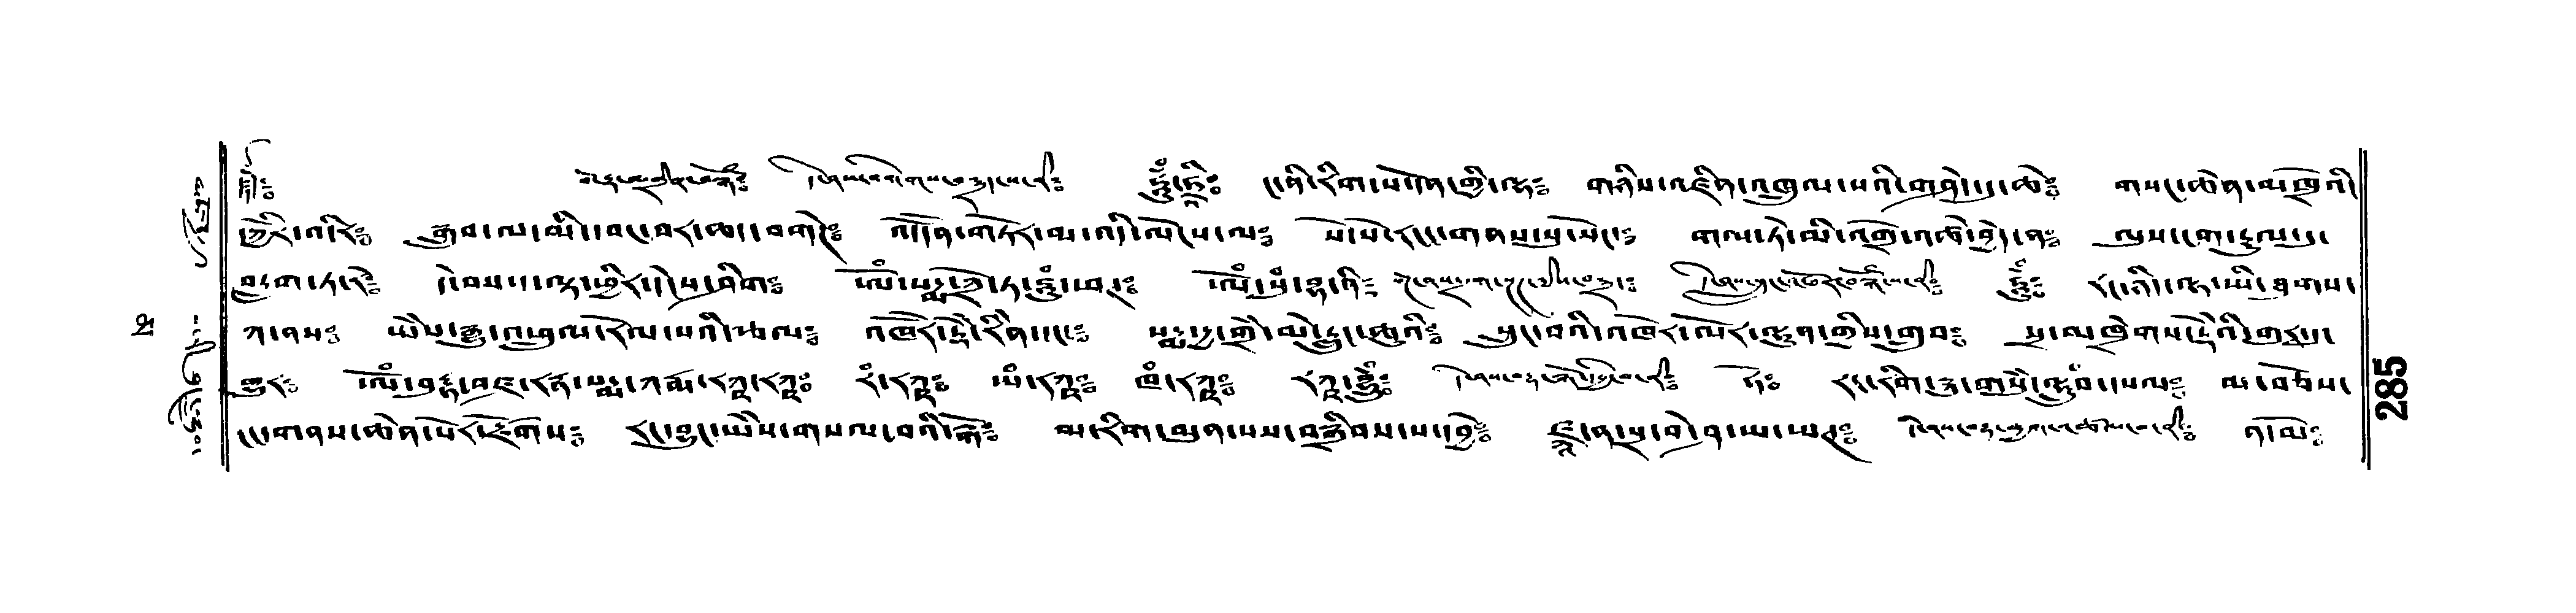བོ་རྟ་མགྲིན་བསྒོམ༔ དེ་ནས་བགེགས་བསྐྲད་པ་ནི༔ ཧཱུྃ་ཧྲཱིཿ ང་ནི་རིག་པ་དོན་གྱི་ལྷ༔ གཉིས་འཛིན་འཁྲུལ་པའི་གཤེད་དུ་ཆེ༔ གསང་ཆེན་མཁའ་འགྲོའི་
དཀྱིལ་འཁོར་འདིར༔ སྒྲུབ་ལ་མི་དབང་བར་ཆད་བགེགས༔ འདོད་ཡོན་གཏོར་མ་འདི་ལོངས་ལ༔ སོ་སོ་རང་རང་གནས་སུ་སོང༔ གལ་ཏེ་མི་འགྲོ་འཚེ་བྱེད་ན༔ ལུས་ངག་རྡུལ་དུ་
བརླག་ཏ་རེ༔ དེ་བས་ད་ལྟ་ཕྱིར་དེངས་ཤིག༔ ཨོཾ་པདྨ་ཀྲོ་ཏ་ཧཱུྃ་ཕཊཿ ཨོཾ་སུཾ་བྷ་ནི་སོགས་ནས་དྲག་སྔགས་ཀྱིས་བཀྲད༔ དེ་ནས་སྲུང་འཁོར་བསྒོམ་པ་ནི༔ ཧཱུྃ༔ རང་ཉིད་ལྷ་ཡི་ཐུགས་
ཀ་ནས༔ ཡེ་ཤེས་སྒྱུ་འཕྲུལ་རོལ་པའི་རྩལ༔ འཁོར་ལོ་རྡོ་རྗེ་རིན་ཆེན་དང༔ པདྨ་རྒྱ་གྲམ་མེ་རླུང་ཆུའི༔ སྲུང་བའི་འཁོར་ལོར་ལྷུན་གྱིས་གྲུབ༔ སྲ་མཁྲེགས་རྡོ་རྗེའི་གུར་དུ་
གྱུར༔ ཨོཾ་བུདྡྷ་བཛྲ་རཏྣ་པདྨ་ཀརྨ་རཀྵ་རཀྵ༔ རྃ་རཀྵ༔ཡྃ་རཀྵ༔ ཁྃ་རཀྵ༔ རཀྵ་བྷྲཱུྃ༔ དེ་ནས་བརྡ་སྒོ་དབྱེ་བ་ནི༔ ཧོཿ རང་རིག་སྐུ་གསུམ་ལྷུན་གྲུབ་དཔལ༔ མ་བཅོས་
ངང་གནས་ཆེན་པོར་རྫོགས༔ རང་བྱུང་ཡེ་ཤེས་གསལ་བའི་སྒོ༔ མ་རིག་མུན་པས་བསྒྲིབས་པ་དབྱེ༔ ཛྙཱ་ན་པྲ་བེ་ཤ་ཡ་ཕཊཿ དེ་ནས་བརྡ་ཕྱག་འཚལ་བ་ནི༔ ན་མོ༔